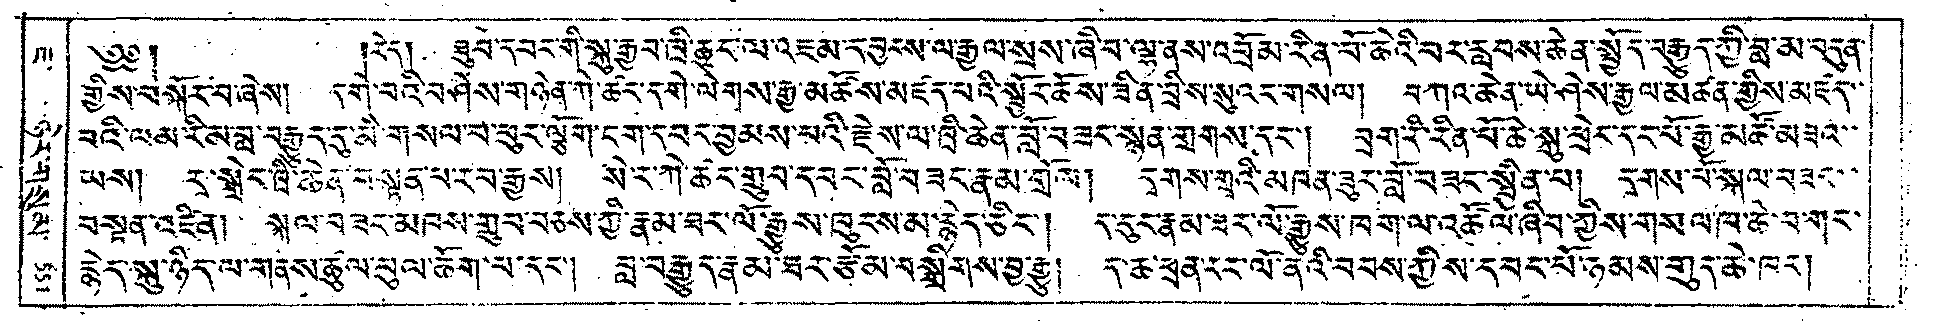༄༅། །རེད། ཐུབ་དབང་གི་སྐུ་རྒྱབ་ཁྲི་ཆུང་ལ་འཇམ་དབྱངས་ལ་རྒྱལ་སྲས་ཞི་བ་ལྷ་ནས་འབྲོམ་རིན་པོ་ཆེའི་བར་རླབས་ཆེན་སྤྱོད་བརྒྱུད་ཀྱི་བླ་མ་བདུན་
གྱིས་བསྐོར་བ་ཞེས། དགེ་བའི་བཤེས་གཉེན་ཀེ་ཚང་དགེ་ལེགས་རྒྱ་མཚོས་མཛད་པའི་སྦྱོར་ཆོས་ཟིན་བྲིས་སུའང་གསལ། བཀའ་ཆེན་ཡེ་ཤེས་རྒྱལ་མཚན་གྱིས་མཛད་
བའི་ལམ་རིམ་བླ་བརྒྱུད་དུ་མི་གསལ་བ་ཕུར་ལྕོག་ངག་དབང་བྱམས་པའི་རྗེས་ལ་ཁྲི་ཆེན་བློ་བཟང་སྙན་གྲགས་དང་། བྲག་རི་རིན་པོ་ཆེ་སྐུ་ཕྲེང་དང་པོ་རྒྱ་མཚོ་མཐའ་
ཡས། རྭ་སྒྲེང་ཁྲི་ཆེན་བསྟན་པ་རབ་རྒྱས། སེ་ར་ཀེ་ཚང་གྲུབ་དབང་བློ་བཟང་རྣམ་གྲོལ། དྭགས་གྲྭའི་མཁན་ཟུར་བློ་བཟང་སྦྱིན་པ། དྭགས་པོ་སྐལ་བཟང་
བསྟན་འཛིན། སྐལ་བཟང་མཁས་གྲུབ་བཅས་ཀྱི་རྣམ་ཐར་ལོ་རྒྱུས་ཁུངས་མ་རྙེད་ཅིང་། ད་དུང་རྣམ་ཐར་ལོ་རྒྱུས་ཁག་ལ་འཚོལ་ཞིབ་ཀྱིས་གསལ་ཁ་ཆེ་བ་གང་
རྙེད་སྐུ་ཉིད་ལ་གནས་ཚུལ་ཕུལ་ཆོག་པ་དང་། བླ་བརྒྱུད་རྣམ་ཐར་རྩོམ་བསྒྲིགས་བྱ་རྒྱུ། ད་ཆ་ཕྲན་རང་ལོ་ནའི་བབས་ཀྱིས་དབང་པོ་ཉམས་གུད་ཆེ་ཁར།